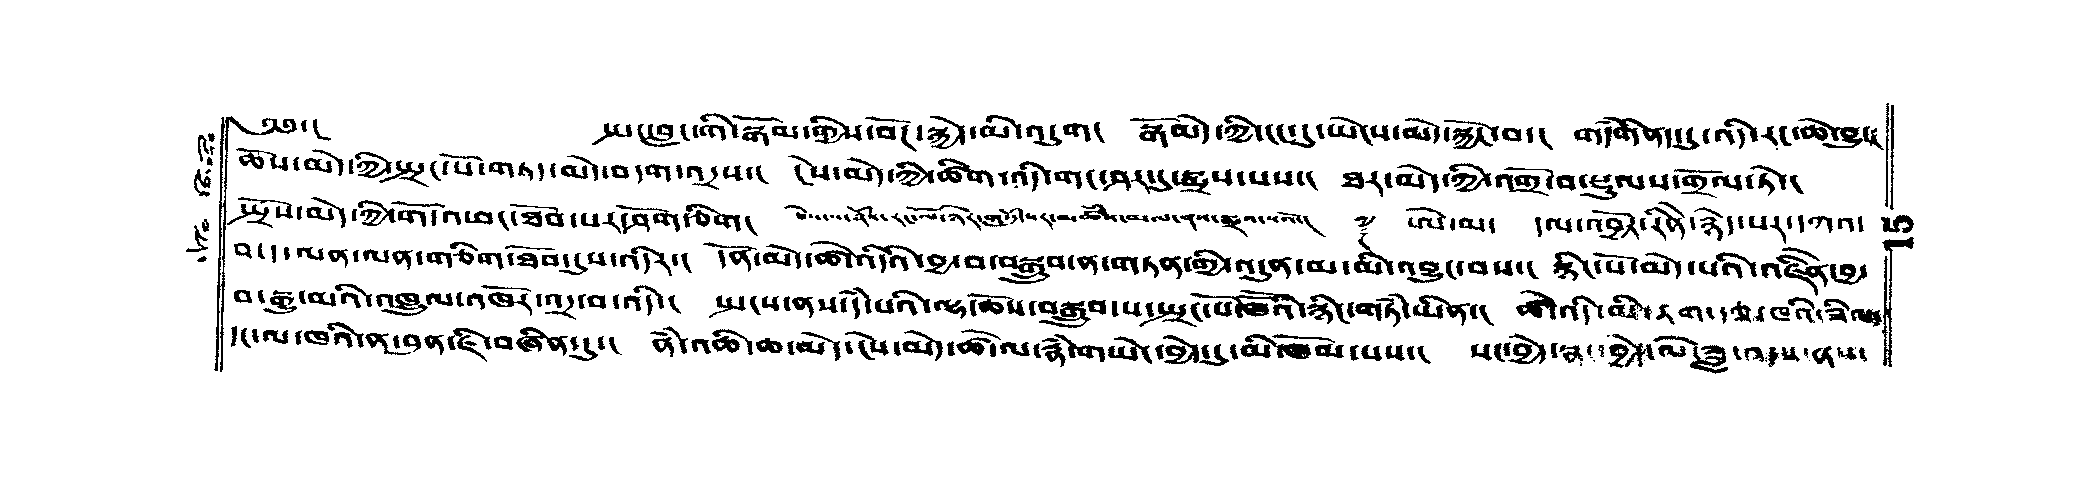སྤང་བླང་གི་སྒོམ་གྱིས་བོགས་སྐྱེད་མི་འདུག །སྒོམ་མེད་ཀྱི་ངང་དུ་ཡེངས་མེད་སྐྱོང་བ། །གདམས་ངག་གི་གནད་དུ་འདི་རང་ཆེ་བྱུང་། 
ཆོས་མེད་ཀྱི་སྤྲང་པོ་གཏད་མེད་བདག་འདྲས། །ངེས་མེད་ཀྱི་ཚིག་འདི་རང་ཤར་དུ་སྨྲས་པས། །ཐར་མེད་ཀྱི་འགྲོ་བ་སྡུག་བསྔལ་ལས་གྲོལ་ཏེ། །
སྤྲོས་མེད་ཀྱི་གོ་འཕང་ཐོབ་པར་ཤོག་ཅིག །ཅེས་པ་རྣམས་རང་ལོ་ཉེར་གསུམ་པར་མཚམས་མལ་ནས་སྨྲས་པའོ།། ༄༅། ཨེ་མ། དལ་འབྱོར་རིན་ཆེན་རྙེད་པར་དཀའ་
བ་ད་ལན་ལན་གཅིག་ཐོབ་དུས་འདིར། །དོན་མེད་ཚེ་འདིའི་བྱ་བ་བསྒྲུབ་ན་གཏན་གྱི་འདུན་མ་མི་འབྱུང་བས། །སྙིང་པོ་མེད་པའི་འཇིག་རྟེན་བྱ་
བ་སྒྱུ་མའི་འཁྲུལ་འཁོར་འདྲ་བ་འདི། །སྤངས་ནས་དམ་པའི་ལྷ་ཆོས་བསྒྲུབ་པ་སྤྲང་པོ་ཁོ་ནའི་སྙིང་གཏམ་ཡིན། །ཚེ་འདི་མི་རྟག་རྩ་ཁའི་ཟིལ་
དང་ལ་ཁའི་ན་བུན་ཇི་བཞིན་དུ། །ནམ་འཆྀ་ཆ་མེད་ངེས་མེད་ཚེ་ལ་རྣམ་གཡེང་བྱེད་དུ་མི་ཁོམ་པས། །སང་བྱེད་གནང་བྱེད་ལོ་ཟླ་འདས་ནས་